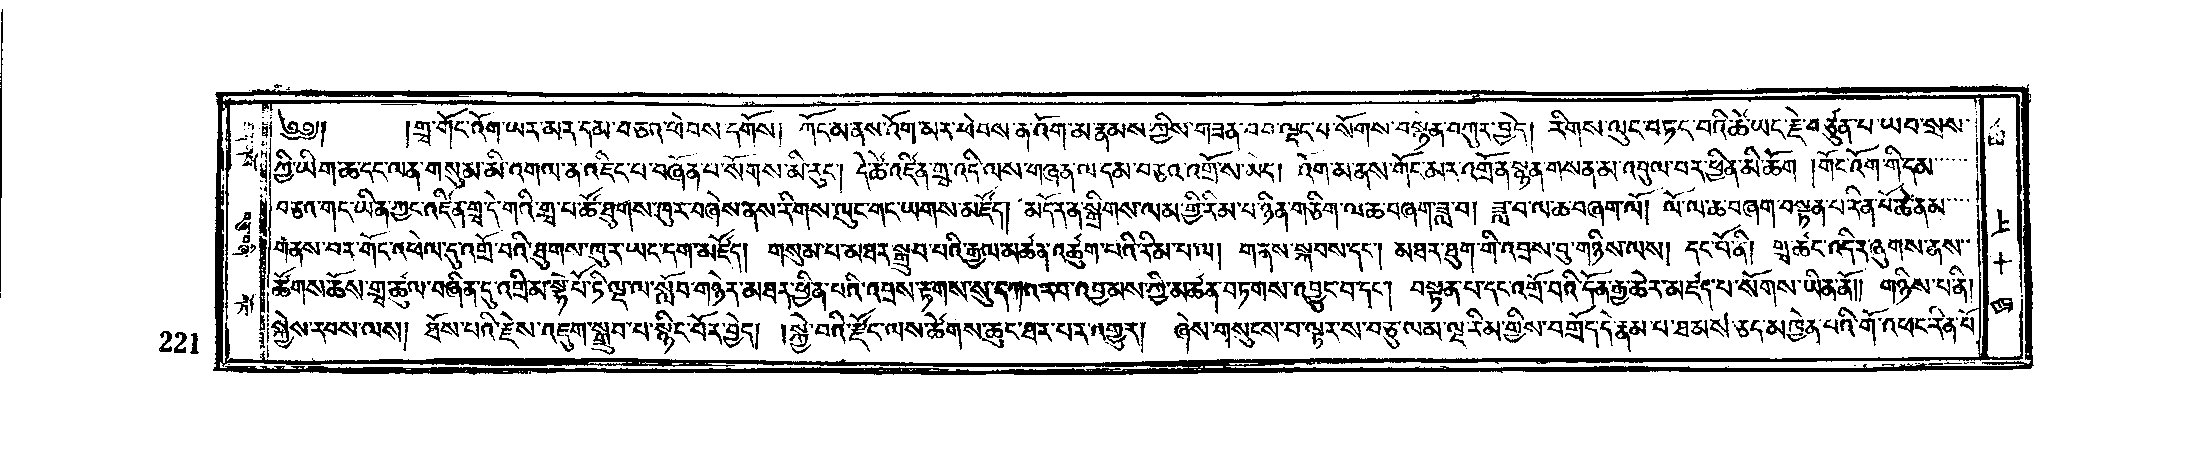༄༅། །གྲྭ་གོང་འོག་ཡར་མར་དམ་བཅའ་ཕེབས་དགོས། གོང་མ་ནས་འོག་མར་ཕེབས་ན་འོག་མ་རྣམས་ཀྱིས་གཟན་བབ་ལྡང་པ་སོགས་བསྙེན་བཀུར་བྱེད། རིགས་ལུང་བཏང་བའི་ཚེ་ཡང་རྗེ་བཙུན་པ་ཡབ་སྲས་
ཀྱི་ཡིག་ཆ་དང་ལན་གསུམ་མི་འགལ་ན་འཇིང་པ་བཞོན་པ་སོགས་མི་རུང་། དེ་ཚེ་འཛིན་གྲྭ་འདི་ལས་གཞན་ལ་དམ་བཅའ་འགྲོ་ས་མེད། འོག་མ་ནས་གོང་མར་འགྲོན་སྙན་གསན་མ་འབུལ་བར་ཕྱིན་མི་ཆོག །གོང་འོག་གི་དམ་
བཅའ་གང་ཡིན་ཀྱང་འཛིན་གྲྭ་དེ་གའི་གྲྭ་པ་ཚོ་ཐུགས་ཁུར་བཞེས་ནས་རིགས་ལུང་གང་ཡགས་མཛོད། མདོར་ན་སྒྲིགས་ལམ་གྱི་རིམ་པ་ཉིན་གཅིག་ལ་ཆ་བཞག་ཟླ་བ། ཟླ་བ་ལ་ཆ་བཞག་ལོ། ལོ་ལ་ཆ་བཞག་བསྟན་པ་རིན་པོ་ཆེ་ནམ་
གནས་བར་གོང་འཕེལ་དུ་འགྲོ་བའི་ཐུགས་ཁུར་ཡང་དག་མཛོད། གསུམ་པ་མཐར་སྒྲུབ་པའི་རྒྱལ་མཚན་འཚུག་པའི་རིམ་པ་ལ། གནས་སྐབས་དང་། མཐར་ཐུག་གི་འབྲས་བུ་གཉིས་ལས། དང་པོ་ནི། གྲྭ་ཚང་འདིར་ཞུགས་ནས་
ཚོགས་ཆོས་གྲྭ་ཚུལ་བཞིན་དུ་འགྲིམ་སྟེ་པོ་ཏི་ལྔ་ལ་སློབ་གཉེར་མཐར་ཕྱིན་པའི་འབྲས་རྟགས་སུ་དཀའ་རབ་འབྱམས་ཀྱི་མཚན་བཏགས་འབྱུང་བ་དང་། བསྟན་པ་དང་འགྲོ་བའི་དོན་རྒྱ་ཆེར་མཛད་པ་སོགས་ཡིན་ནོ།། གཉིས་པ་ནི།
སྐྱེས་རབས་ལས། ཐོས་པའི་རྗེས་འཇུག་སྒྲུབ་པ་སྙིང་པོར་བྱེད། །སྐྱེ་བའི་རྫོང་ལས་ཚེགས་ཆུང་ཐར་པར་འགྱུར། ཞེས་གསུངས་པ་ལྟར་ས་བཅུ་ལམ་ལྔ་རིམ་གྱིས་བགྲོད་དེ་རྣམ་པ་ཐམས་ཅད་མཁྱེན་པའི་གོ་འཕང་རིན་པོ་